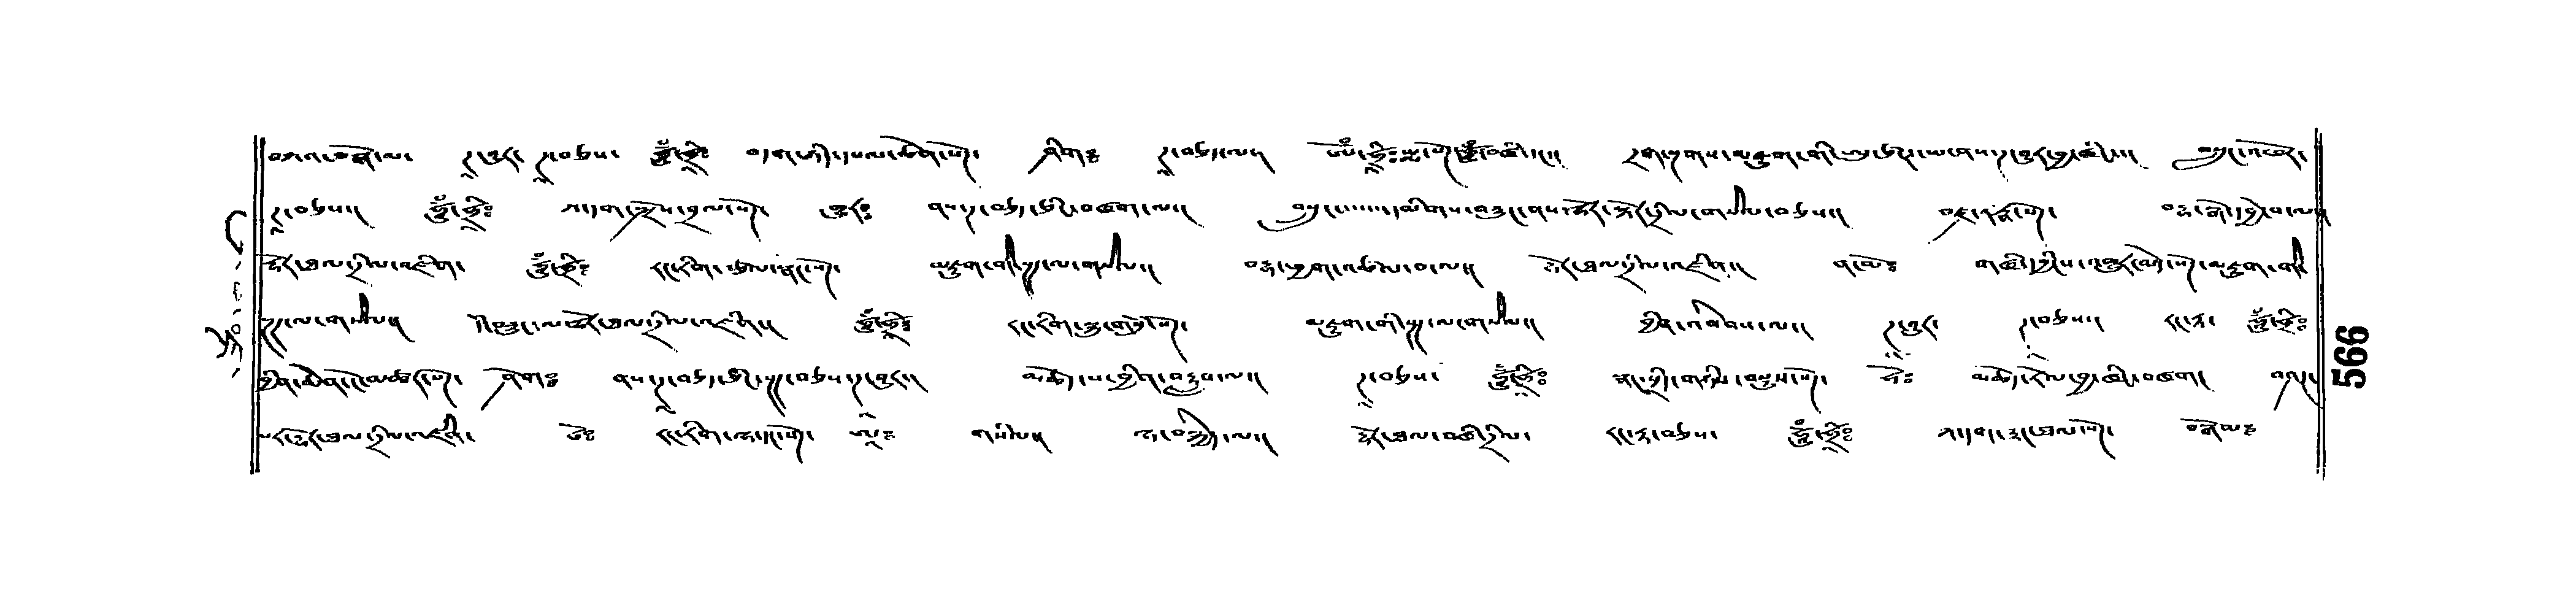བཀའ་བསྒོ་ལ། ཌཱ་འུར། ཌཱ་བཅས། ཧཱུྃ་ཧྲཱིཿ བདག་ཉིད་དཔལ་ཆེན་སོགས། ཤིགཿ ཌཱ་བཅད་ལ། ཨོཾ་ཧྲཱིཿཔདྨ་སོགས་ཧཱུྃ་བཞི་དང་། དྲག་སྔགས་མཇུག་གི་ཨུ་ཙ་ཊ་ཡ་ནས་ཌ་འུར་བྱ་ཞིང་། བསྲུང་འཁོར་
ཌཱ་བཅས། ཧཱུྃ་ཧྲཱིཿ ཀ་དག་སྤྲོས་བྲལ་སོགས། གྱུརཿ ནས་ཌ་བཅད་ཅིང་བཞག་ལ། བསྲུང་དམིགས་བཟུང་ནས་རྡོར་སྐོར་དྲིལ་གསིལ་བཅས། བཛྲ་རཏྣ་སོགས། བརྡ་སྒོ་དབྱེ་བ་ལ་
རྡོར་ཐལ་དྲིལ་འཛིན། ཧཱུྃ་ཧྲཱིཿ རང་རིག་རྩལ་སྣང་སོགས། མཇུག་གི་སྔགས་ལ་གསིལ། བརྡ་ཕྱག་འཚལ་བ་ལ། རྡོར་ཐལ་དྲིལ་འཛིན། ན་མོཿ གཞི་དབྱིངས་འགྱུར་མེད་སོགས། མཇུག་གི་
སྔགས་ལ་གསིལ། དམ་བཟུང་ལ་རྡོར་ཐལ་དྲིལ་འཛིན། ཧཱུྃ་ཧྲཱིཿ རང་རིག་སྐུ་གསུམ་སོགས། མཇུག་གི་སྔགས་ལ་གསིལ། བྱིན་འབེབས་ལ། ཌཱ་འུར། ཌཱ་བཅས། རང་རྟ། ཧཱུྃ་ཧྲཱིཿ 
བྱིན་ཆེན་ངོ་མཚར་སོགས། ཤོགཿ ནས་ཌཱ་བཅད་ཅིང་སྔགས་བཅས་ཌཱ་འུར། མཆོད་པ་བྱིན་བརླབ་ལ། ཌཱ་བཅས། ཧཱུྃ་ཧྲཱིཿ སྣང་སྲིད་གཉིས་བསྡུས་སོགས། ཧོཿ མཆོད་རོལ་བྱ་ཞིང་བཞག བཤགས་
པར་རྡོར་ཐལ་དྲིལ་འཛིན། ཧོཿ རང་རིག་ལྷ་དང་སོགས། ཨཱཿ གསིལ། ལྷ་བསྐྱེད་ལ། རྡོར་ཐལ་བཞི་དྲིལ། རང་རྟ་བཅས། ཧཱུྃ་ཧྲཱིཿ ཀ་དག་ཟང་ཐལ་སོགས། བསྒོམཿ